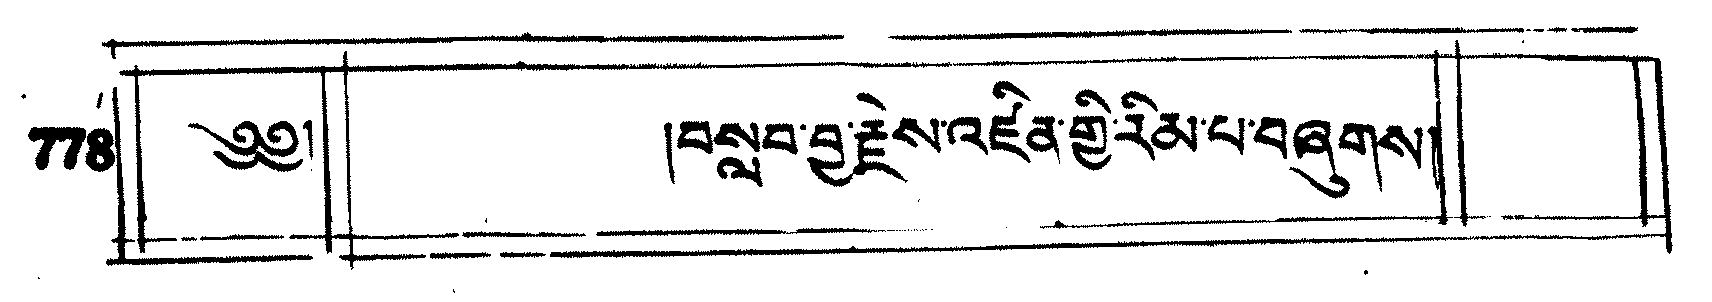༄༅། །བསླབ་བྱ་རྗེས་འཛིན་གྱི་རིམ་པ་བཞུགས། །